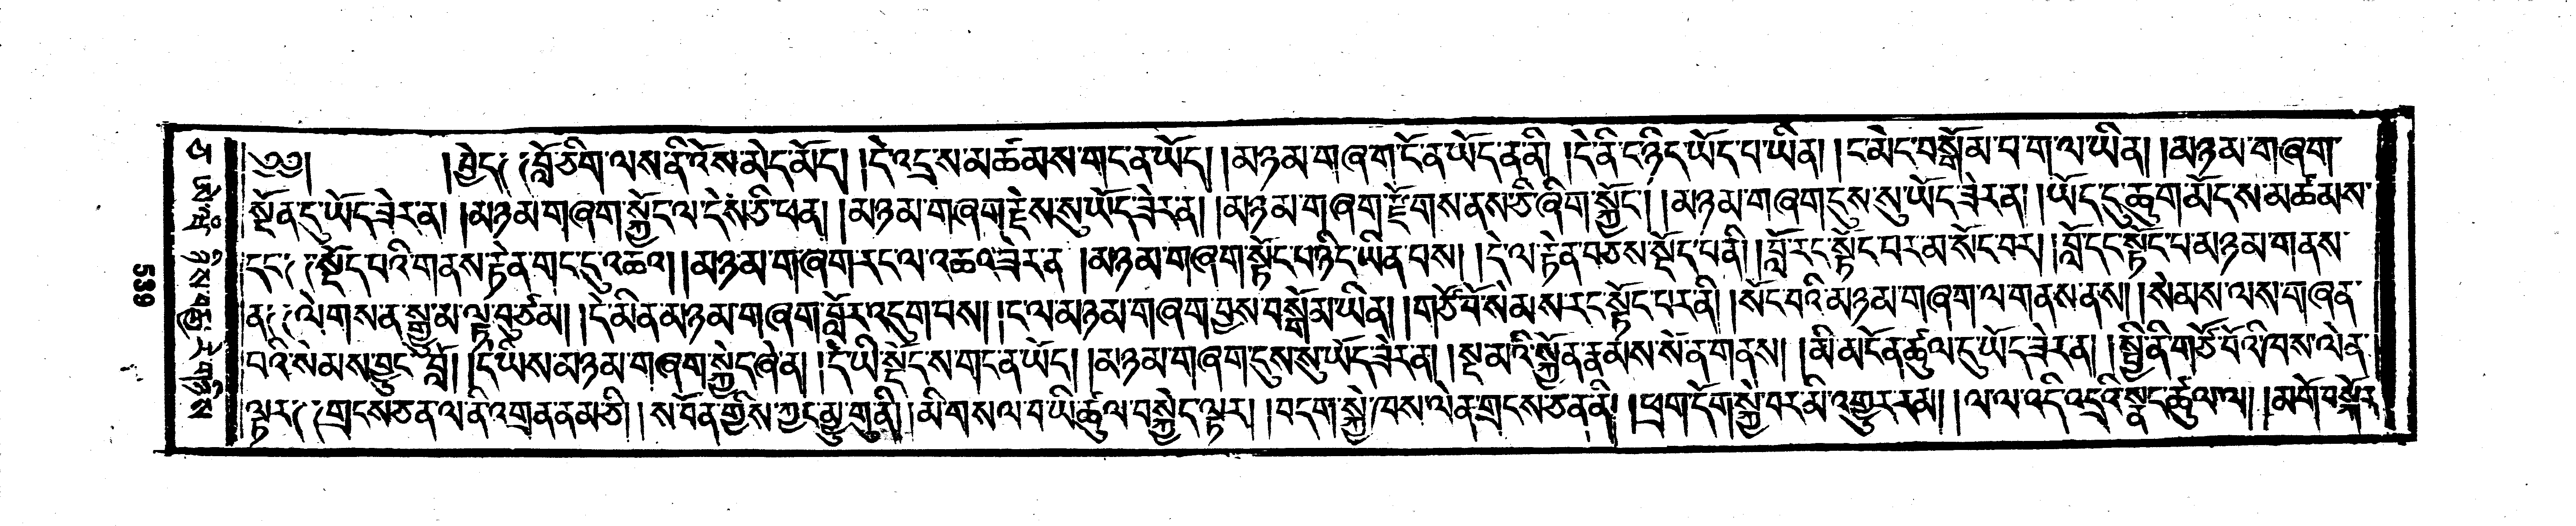༄༅། །བྱེད༑ ༑བློ་ཅིག་ལས་ནི་འོས་མེད་མོད། །དེ་འདྲ་ས་མ་ཚམས་གང་ན་ཡོད། །མཉམ་གཞག་དོན་ཡོད་ན་ནི། །དེ་ནིང་ཉིད་ཡོད་པ་ཡིན། །ང་མེད་བསྒོམ་པ་ག་ལ་ཡིན། །མཉམ་གཞག་
སྔོན་དུ་ཡོད་ཟེར་ན། །མཉམ་གཞག་སྐྱོན་ལ་དེས་ཅི་ཕན། །མཉམ་གཞག་རྗེས་སུ་ཡོད་ཟེར་ན། །མཉམ་གཞག་རྫོགས་ནས་ཅི་ཞིག་སྐྱོང་། །མཉམ་གཞག་དུས་སུ་ཡོད་ཟེར་ན། །ཡོད་དུ་ཆུག་མོད་ས་མཚམས་
དང༑ ༑སྡོད་?་པའི་གནས་རྟེན་གནག་དུ་འཆའ། །མཉམ་གཞག་རང་ལ་འཆའ་ཟེར་ན། །མཉམ་གཞག་སྟོང་པ་ཉིད་ཡིན་པས། །དེ་ལ་རྟེན་བཅས་སྡོད་པ་ནི། །བློ་རང་སྟོང་པར་མ་སོང་བར། །བློ་དང་སྟོང་པ་མཉམ་གནས་
ན༑ ༑ལེགས་ན་སྒྱུ་མ་ལྟ་བུ་ཙམ། །དེ་མིན་མཉམ་གཞག་བློར་འདུག་པས། །ང་ལ་མཉམ་གཞག་བྱས་བསྒོམ་ཡིན། །གཙོ་བོ་སེམས་རང་སྟོང་པར་ནི། །སོང་བའི་མཉམ་གཞག་ལ་གནས་ནས། །སེམས་ལས་གཞན་
པའི་སེམས་བྱུང་བློ། །དེ་ཡིས་མཉམ་གཞག་སྐྱེད་ཞེ་ན། །དེ་ཡི་སྡོད་ས་གང་ན་ཡོད། །མཉམ་གཞག་དུས་སུ་ཡོད་ཟེར་ན། །སྔ་མའི་སྐྱོན་རྣམས་སོ་ན་གནས། །མི་མངོན་ཚུལ་དུ་ཡོད་ཟེར་ན། །སྤྱི་ནི་གཙོ་ཁས་ལེན་
ལྟར༑ ༑གྲངས་ཅན་ལ་ནི་འགྲན་ནམ་ཅི། །ས་བོན་གྱིས་ཀྱང་མྱུར་གུ་ནི། །མི་གསལ་བ་ཡི་ཚུལ་བསྐྱེད་ལྟར། །བདག་སྐྱེ་ཁས་ལེན་གྲངས་ཅན་ནི། །ཕྲག་དོག་སྐྱེ་བར་མི་འགྱུར་རབ། །ལ་ལ་འདི་འདྲའི་སྣང་ཚུལ་ལ། །མགོ་བསྐོར་